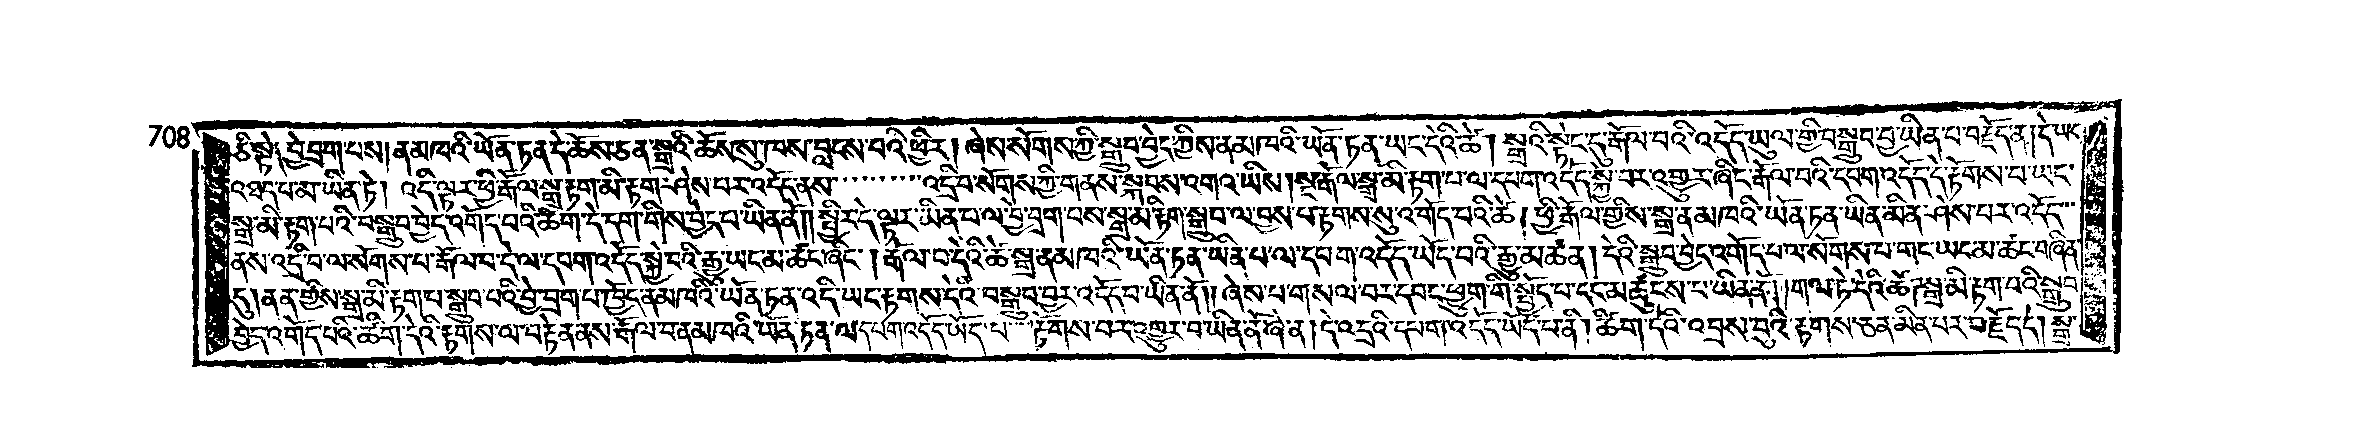ཅི་སྟེ། བྱེ་བྲག་པས། ནམ་མཁའི་ཡོན་ཏན་དེ་ཆོས་ཅན་སྒྲའི་ཆོས་སུ་ཁས་བླངས་པའི་ཕྱིར། ཞེས་སོགས་ཀྱི་སྒྲུབ་བྱེད་ཀྱིས་ནམ་མཁའི་ཡོན་ཏན་ཡང་དེའི་ཚེ། སྒྲའི་སྟེང་དུ་རྒོལ་བའི་འདོད་ཡུལ་གྱི་བསྒྲུབ་བྱ་ཡིན་པ་བརྗོད་ན། དེ་ཡང་
འཐད་པ་མ་ཡིན་ཏེ། འདི་ལྟར་ཕྱི་རྒོལ་སྒྲ་རྟག་མི་རྟག་ཤེས་པར་འདོད་ནས་འདྲི་བ་སོགས་ཀྱི་གནས་སྐབས་འགའ་ཡིས། སྔ་རྒོལ་སྒྲ་མི་རྟག་པ་ལ་དཔག་འདོད་སྐྱེ་བར་འགྱུར་ཞིང་རྒོལ་བའི་དཔག་འདོད་དེ་རྟོགས་པ་ཡང་
སྒྲ་མི་རྟག་པའི་བསྒྲུབ་བྱེད་འགོད་པའི་ཚིག་དེ་དག་གིས་བྱེད་པ་ཡིན་ནོ། །སྤྱིར་དེ་ལྟར་ཡིན་པ་ལ་བྱེ་བྲག་པས་སྒྲ་མི་རྟག་སྒྲུབ་ལ་བྱས་པ་རྟགས་སུ་འགོད་པའི་ཚེ། ཕྱི་རྒོལ་གྱིས་སྒྲ་ནམ་མཁའི་ཡོན་ཏན་ཡིན་མིན་ཤེས་པར་འདོད་
ནས་འདྲི་བ་ལ་སོགས་པ་རྒོལ་བ་དེ་ལ་དཔག་འདོད་སྐྱེ་བའི་རྒྱུ་ཡང་མ་ཚང་ཞིང་། རྒོལ་བ་དེའི་ཚེ་སྒྲ་ནམ་མཁའི་ཡོན་ཏན་ཡིན་པ་ལ་དཔག་འདོད་ཡོད་པའི་རྒྱུ་མཚན། དེའི་སྒྲུབ་བྱེད་འགོད་པ་ལ་སོགས་པ་གང་ཡང་མ་ཚང་བཞིན་
དུ། ནན་གྱིས་སྒྲ་མི་རྟག་པ་སྒྲུབ་པའི་བྱེ་བྲག་པ་ཁྱོད་ནམ་མཁའི་ཡོན་ཏན་འདི་ཡང་རྟགས་དེའི་བསྒྲུབ་བྱར་འདོད་པ་ཡིན་ནོ། །ཞེས་པ་གསལ་བར་དབང་ཕྱུག་གི་སྤྱོད་པ་དང་མཚུངས་པ་ཡིན་ནོ། །གལ་ཏེ་དེའི་ཚོགས་སྒྲ་མི་རྟག་པའི་སྒྲུབ་
བྱེད་འགོད་པའི་ཚིག་དེའི་རྟགས་ལ་བརྟེན་ནས་རྒོལ་བ་ནམ་མཁའི་ཡོན་ཏན་ལ་དཔག་འདོད་ཡོད་པ་རྟོགས་པར་འགྱུར་བ་ཡིན་ནོ་ཞེ་ན། དེ་འདྲའི་དཔག་འདོད་ཡོད་པ་ནི། ཚིག་དེའི་འབྲས་བུའི་རྟགས་ཅན་མིན་པར་བརྗོད་དེ། སྒྲ་